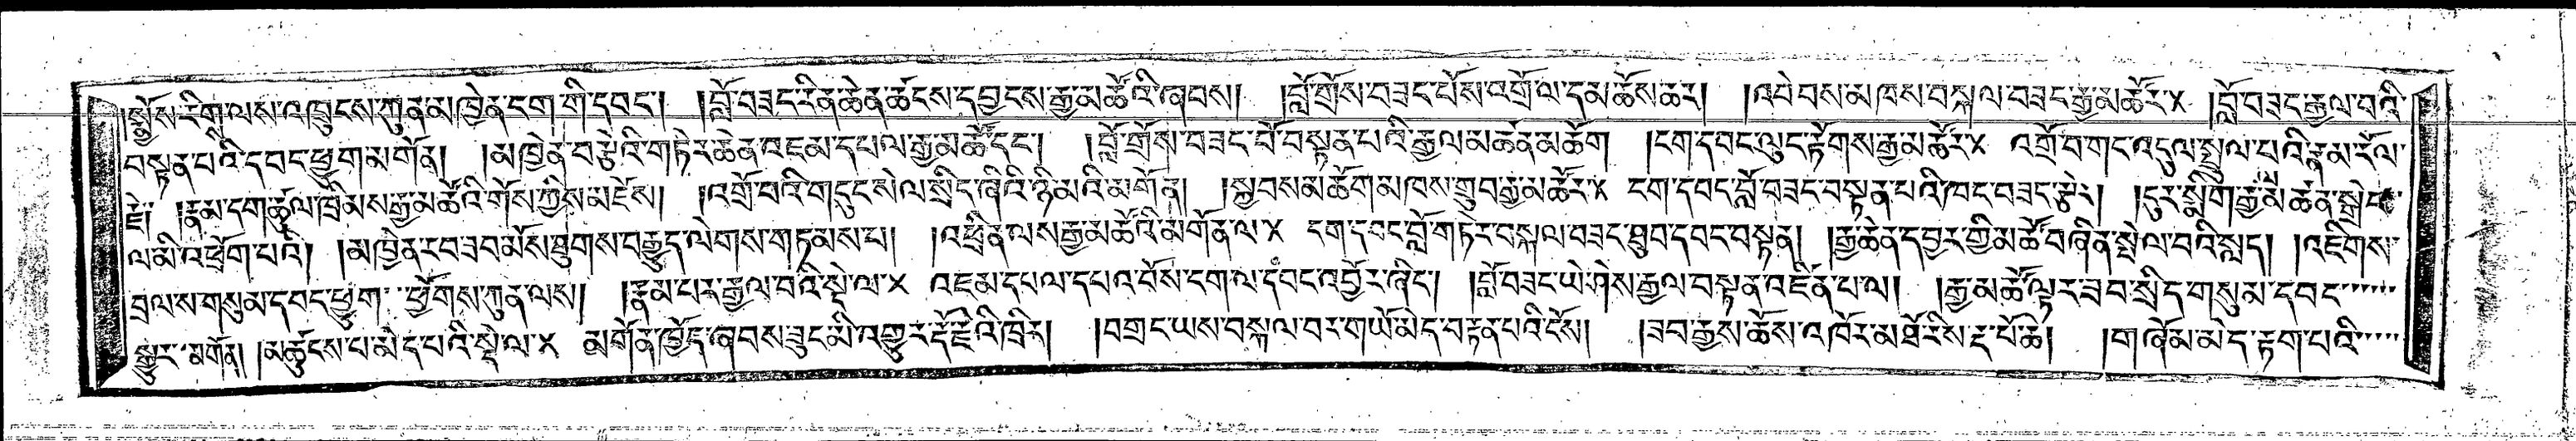།སྨྱོས་རིགས་ལས་འཁྲུངས་ཀུན་མཁྱེན་ངག་གི་དབང་། །བློ་བཟང་རིན་ཆེན་ཚངས་དབྱངས་རྒྱ་མཚོའི་ཞབས། །བློ་གྲོས་བཟང་པོས་འགྲོ་ལ་དམ་ཆོས་ཆར། །འབེབས་མཁས་བསྐལ་བཟང་རྒྱ་མཚོར་{྾}་།བློ་བཟང་རྒྱལ་བའི་
བསྟན་པའི་དབང་ཕྱུག་མགོན། །མཁྱེན་བརྩེའི་གཏེར་ཆེན་འཇམ་དཔལ་རྒྱ་མཚོ་དང་། །བློ་གྲོས་བཟང་པོ་བསྟན་པའི་རྒྱལ་མཚན་མཆོག །ངག་དབང་ལུང་རྟོགས་རྒྱ་མཚོར་{྾}་འགྲོ་བ་གང་འདུལ་སྤྲུལ་པའི་རྣམ་རོལ་
རྗེ༑ །རྣམ་དག་ཚུལ་ཁྲིམས་རྒྱ་མཚོའི་གོས་ཀྱིས་མཛེས། །འགྲོ་བའི་གདུང་སེལ་སྲིད་ཞིའི་ཉི་མའི་མགོན། །སྐྱབས་མཆོག་མཁས་གྲུབ་རྒྱ་མཚོར་{྾}་ངག་དབང་བློ་བཟང་བསྟན་པའི་ཁང་བཟང་རྩེར། །ངུར་སྨིག་རྒྱལ་མཚན་སྒྲེང་
ལ་མི་འཕྲོག་པའི། །མཁྱེན་རབ་ཟབ་མོས་ཐུགས་བརྒྱུད་ལེགས་གཏམས་པ། །འཕྲིན་ལས་རྒྱ་མཚོའི་མགོན་ལ་{྾}་ངག་དབང་བློ་གཏེར་བསྐལ་བཟང་ཐུབ་དབང་བསྟན། །རྒྱ་ཆེན་དབྱར་གྱི་མཚོ་བཞིན་སྤེལ་བའི་སླད། །འཇིགས་
བྲལ་ས་གསུམ་དབང་ཕྱུག་ཕྱོགས་ཀུན་ལས། །རྣམ་པར་རྒྱལ་བའི་སྡེ་ལ་{྾}་འཇམ་དཔལ་དཔའ་བོས་ངག་ལ་དབང་འབྱོར་ཞིང་། །བློ་བཟང་ཡེ་ཤེས་རྒྱལ་བསྟན་འཛིན་པ་ལ། །རྒྱ་མཚོ་ལྟར་ཟབ་སྲིད་གསུམ་དབང་
སྒྱུར་མགོན། །མཚུངས་པ་མེད་པའི་སྡེ་ལ་{྾}་མགོན་ཁྱོད་ཞབས་ཟུང་མི་འགྱུར་རྡོ་རྗེའི་ཁྲིར། །བགྲང་ཡས་བསྐལ་བར་གཡོ་མེད་བརྟན་པའི་ངོས། །ཟབ་རྒྱས་ཆོས་འཁོར་མཐོ་རིས་རྔ་པོ་ཆེ། །གཞོམ་མེད་རྟག་པའི་